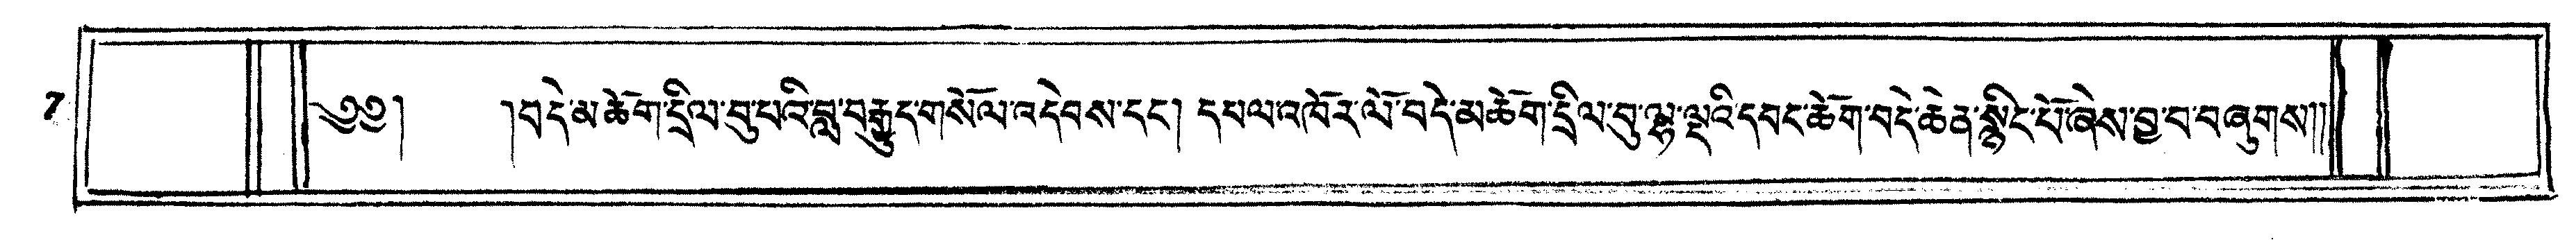༄༅། །བདེ་མཆོག་དྲིལ་བུ་པའི་བླ་བརྒྱུད་གསོལ་འདེབས་དང་། དཔལ་འཁོར་ལོ་བདེ་མཆོག་དྲིལ་བུ་ལྷ་ལྔའི་དབང་ཆོག་བདེ་ཆེན་སྙིང་པོ་ཞེས་བྱ་བ་བཞུགས།།